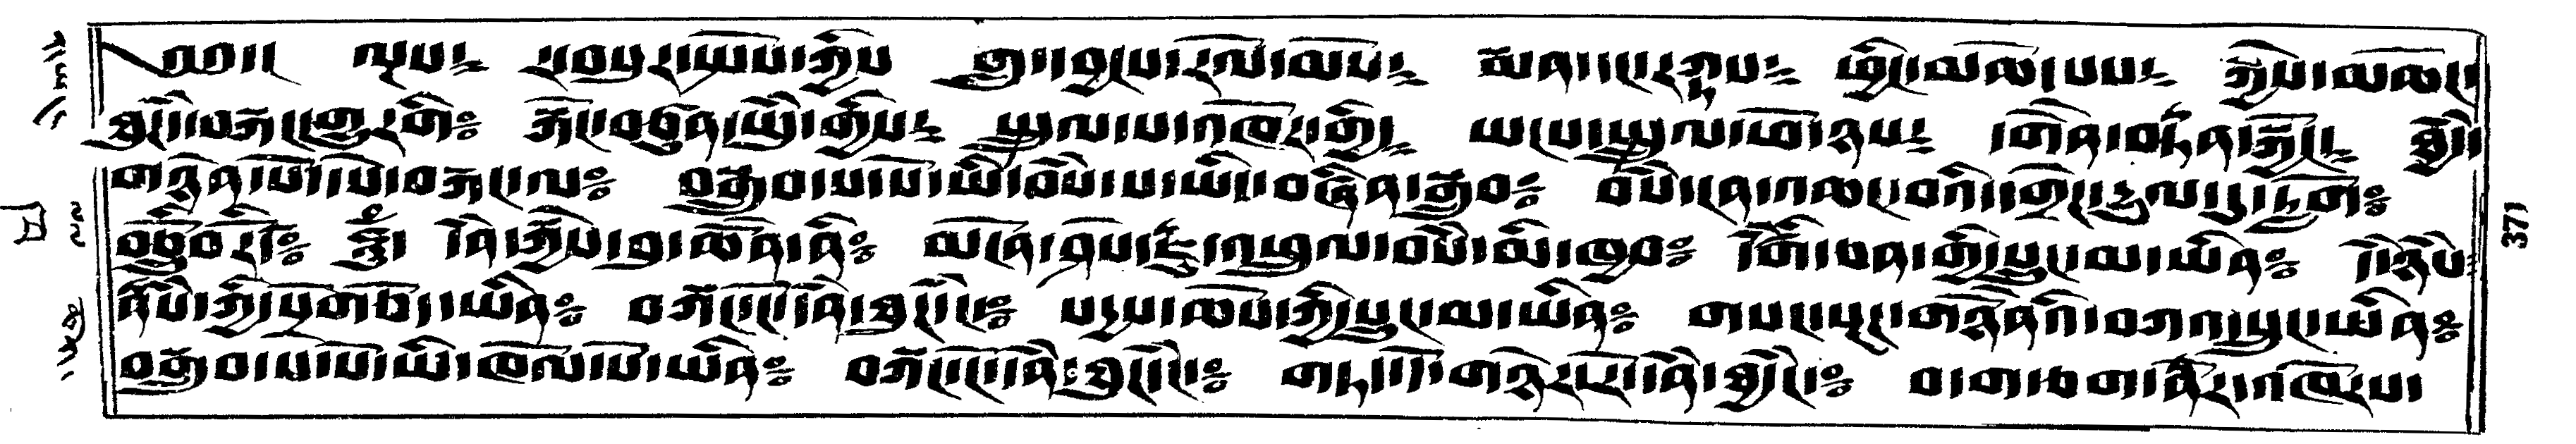ལྔས༴ ར་བསུར་སྤོས་ཀྱིས༴ གླུ་དབྱངས་རོལ་མོས༴ སྨན་དང་རཀྟས༴ ཕྱི་ནང་མཆོད་པས༴ སྐྱེས་མཆོག་
ཐུགས་དམ་བསྐང་གྱུར་ཅིག༔ སྐོང་བཙུན་ཡུམ་གྱིས༴ སྤྲུལ་པ་འཁོར་གྱི༴ ཡང་སྤྲུལ་ཕོ་ཉས༴ དགེ་བསྙེན་བརྟན་སྐྱོང༴ ཐུགས་དམ་
གཉེན་པོ་དེས་བསྐང་ལ༔ སྒྲུབ་པ་པོ་ཡི་བསམ་པ་ཡིད་བཞིན་སྒྲུབས༔ བསམ་ངན་འཆང་བའི་དགྲ་བགེགས་རྡུལ་དུ་རློག༔ 
བཅོལ་པའི་ཕྲིན་ལས་འགྲུབ་པར་མཛོད། ཧཱུྃ༔ དམ་ཅན་སྐྱེས་བུ་ཆེན་པོ་ནི༔ མངོན་ཤེས་རྫུ་འཕྲུལ་བསམ་མི་ཁྱབ༔ དམ་ཚིག་ཅན་གྱི་སྲུང་མ་ཡིན༔ དམ་ཉམས་
རྣམས་ཀྱི་སྲོག་གཅོད་ཡིན༔ བསྐང་ངོ་དམ་ཅན་ཐུགས་དམ་བསྐང༔ སངས་རྒྱས་ཆོས་ཀྱི་སྲུང་མ་ཡིན༔ གསང་སྔགས་གཉན་པའི་བཀའ་སྲུང་ཡིན༔ 
སྒྲུབ་པ་པོ་ཡི་ཁོལ་པོ་ཡིན༔ བསྐང་ངོ་དམ་ཅན་ཐུགས་དམ་བསྐང༔ གཏད་དོ་གཉེར་རོ་དམ་ཅན་ཐུགས་དམ་བསྐང༔ བདག་ཅག་རྣལ་འབྱོར་འཁོར་བཅས་